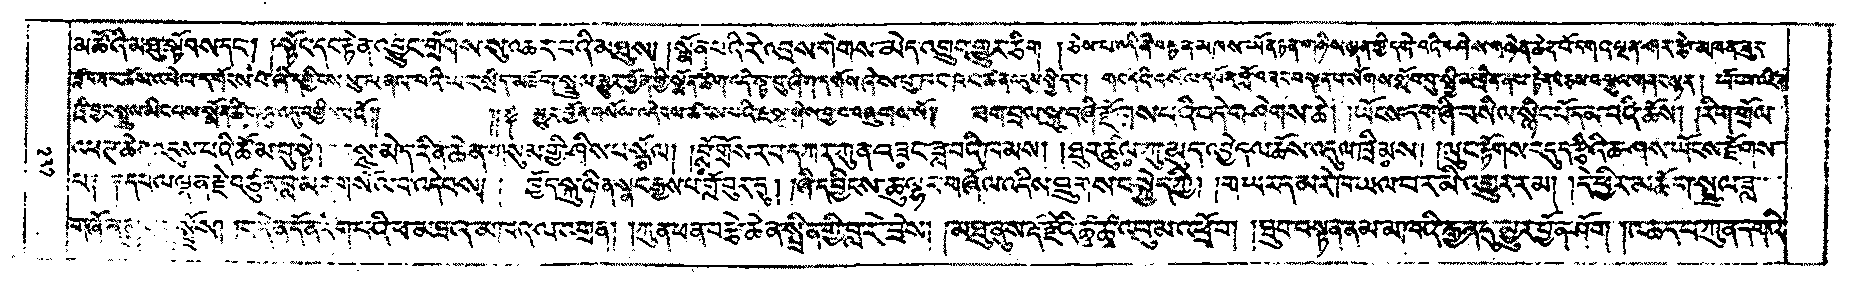མཚོའི་མཐུ་སྟོབས་དང་། །སྟོང་དང་རྟེན་འབྱུང་གྲོགས་སུ་འཆར་བའི་མཐུས། །སྨོན་པའི་རེ་འབྲས་གེགས་མེད་འགྲུབ་གྱུར་ཅིག །ཅེས་པ་འདི་ནི་བརྟན་མཁས་ཡོན་ཏན་གཉིས་ལྡན་གྱི་དགེ་བའི་བཤེས་གཉེན་ཆེན་པོ་དགའ་ལྡན་ཤར་རྩེ་མཁན་ཟུར་
བློ་བཟང་ཆོས་འཕེལ་དགོངས་པ་ཞི་དབྱིངས་སུ་མནལ་བའི་ཡང་སྲིད་མཆོག་སྤྲུལ་མྱུར་བྱོན་གྱི་སྨོན་ཚིག་འདི་ལྟ་བུ་ཞིག་དགོས་ཞེས་ཕུ་ཁང་ཁང་ཚན་འདུས་སྤྱི་དང་། གང་དེའི་གསོལ་དཔོན་བློ་བཟང་བསྟན་པ་སོགས་སློབ་བུ་སྤྱི་མགྲིན་ནས་རྟེན་བཅས་བསྐུལ་གནང་ལྟར། ཡོངས་འཛིན་
ཁྲི་བྱང་སྤྲུལ་མིང་པས་སྨོན་ཚིག་ཏུ་འདུ་བགྱིས་པའོ།། །། ༈ མྱུར་བྱོན་གསོལ་འདེབས་ཚངས་པའི་རྔ་སྒྲ་ཞེས་བྱ་བ་བཞུགས་སོ། །ཟག་བྲལ་སྐུ་བཞི་རྫོགས་པའི་བདེ་གཤེགས་ཆེ། །ཡོངས་དག་ཞི་བསིལ་སྙིང་པོ་དམ་པའི་ཆོས། །རིག་གྲོལ་
འཕགས་ཆེན་འདུས་པའི་ཚོམ་བུ་སྟེ། །བསླུ་མེད་རིན་ཆེན་གསུམ་གྱི་ཤིས་པ་སྩོལ། །བློ྾་གྲོས་རབ་དཀར་ཀུན་བཟང྾་ཟླ་བའི་ཁམས། །ཐུབ་ཚུལ྾་ཀུ་མུད་འབྱེད་ལ་ཆོས་འདུལ་ཁྲིམས྾། །ལུང་རྟོགས་བདུད་རྩིའི་ཆ་ཤས་ཡོངས་རྫོགས་
པ། །དཔལ་ལྡན་རྗེ་བཙུན་བླ་མར་གསོལ་བ་འདེབས། །ཁྱོད་སྐུ་ཉིན་སྣང་རྒྱས་པ་གློ་བུར་དུ། །ཞི་དབྱིངས་ཆུ་ལྷར་གཞོལ་འདིས་ཐུགས་བསྐྱེད་ཀྱི། །གཡར་དམ་རེ་ཁ་ཡལ་པར་མི་འགྱུར་རམ། །དེ་ཕྱིར་མཆོག་སྤྲུལ་ཟླ་
གཞོན་མྱུར་དུ་སྤྲོས། །བདེན་དོན་རིག་པའི་ཕ་མཐའ་མཁའ་ལ་འགྲན། །ཀུན་ཕན་བརྩེ་ཆེན་སྤྲིན་གྱི་བླ་རེ་བྲེས། །མཐུ་ནུས་རྡོ་རྗེའི་ཚྭ་ཚྭ་འབུམ་འཕྲོ་བ། །ཐུབ་བསྟན་ནམ་མཁའི་རྒྱན་དུ་མྱུར་བྱོན་ཤོག །འཆད་པ་ཀུན་དགའི་